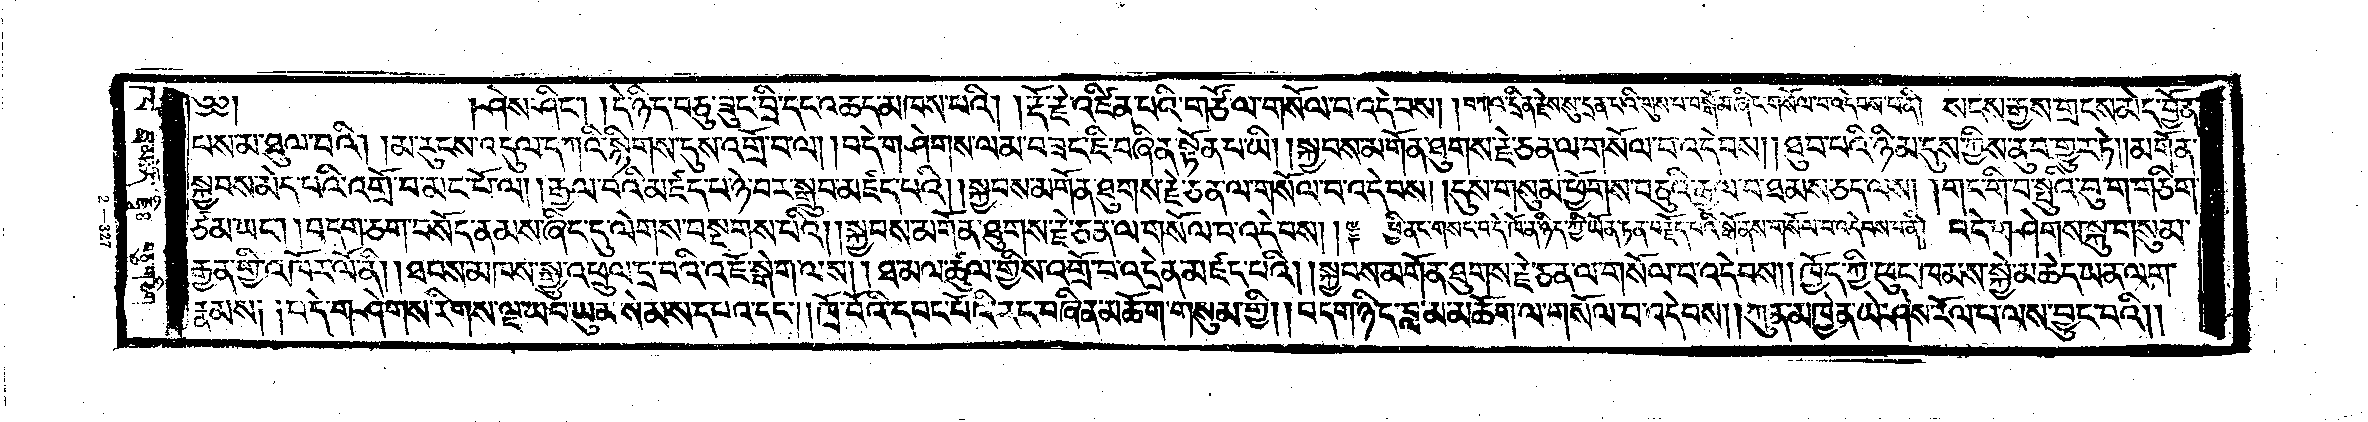༄༅། །ཤེས་ཤིང་། །དེ་ཉིད་བཅུ་ཟུང་བྲི་དང་འཆད་མཁས་པའི། །རྡོ་རྗེ་འཛིན་པའི་གཙོ་ལ་གསོལ་བ་འདེབས། །བཀའ་དྲིན་རྗེས་སུ་དྲན་པའི་གུས་པ་བསྒོམ་ཞིང་གསོལ་བ་འདེབས་པ་ནི།  སངས་རྒྱས་གྲངས་མེད་བྱོན་
པས་མ་ཐུལ་བའི། །མ་རུངས་འདུལ་དཀའི་སྙིགས་དུས་འགྲོ་བ་ལ། །བདེ་གཤེགས་ལམ་བཟང་ཇི་བཞིན་སྟོན་པ་ཡི། །སྐྱབས་མགོན་ཐུགས་རྗེ་ཅན་ལ་གསོལ་བ་འདེབས། །ཐུབ་པའི་ཉི་མ་དུས་ཀྱིས་ནུབ་གྱུར་ཏེ། །མགོན་
སྐྱབས་མེད་པའི་འགྲོ་བ་མང་པོ་ལ། །རྒྱལ་བའི་མཛད་པ་ཉེ་བར་སྒྲུབ་མཛད་པའི། །སྐྱབས་མགོན་ཐུགས་རྗེ་ཅན་ལ་གསོལ་བ་འདེབས། །དུས་གསུམ་ཕྱོགས་བཅུའི་རྒྱལ་བ་ཐམས་ཅད་ལས། །གང་གི་བ་སྤུའི་བུ་ག་གཅིག་
ཙམ་ཡང་། །བདག་ཅག་བསོད་ནམས་ཞིང་དུ་ལེགས་བསྔགས་པའི། །སྐྱབས་མགོན་ཐུགས་རྗེ་ཅན་ལ་གསོལ་བ་འདེབས། ། ༈ ཕྱི་ནང་གསང་བ་དེ་ཁོ་ན་ཉིད་ཀྱི་ཡོན་ཏན་བརྗོད་པའི་སྒོ་ནས་གསོལ་བ་འདེབས་པ་ནི།  འདེ་གཤེགས་སྐུ་གསུམ་
རྒྱན་གྱི་འཁོར་ལོ་ནི། །ཐབས་མཁས་སྒྱུ་འཕྲུལ་དྲ་བའི་འཇོ་སྒེག་ལས། །ཐ་མལ་ཚུལ་གྱིས་འགྲོ་བ་འདྲེན་མཛད་པའི། །སྐྱབས་མགོན་ཐུགས་རྗེ་ཅན་ལ་གསོལ་བ་འདེབས། །ཁྱོད་ཀྱི་ཕུང་ཁམས་སྐྱེ་མཆེད་ཡན་ལག་
རྣམས༑ ༑བདེ་གཤེགས་རིགས་ལྔ་ཡབ་ཡུམ་སེམས་དཔའ་དང་། །ཁྲོ་བོའི་དབང་པོའི་རང་བཞིན་མཆོག་གསུམ་གྱི། །བདག་ཉིད་བླ་མ་མཆོག་ལ་གསོལ་བ་འདེབས། །ཀུན་མཁྱེན་ཡེ་ཤེས་རོལ་པ་ལས་བྱུང་བའི།།